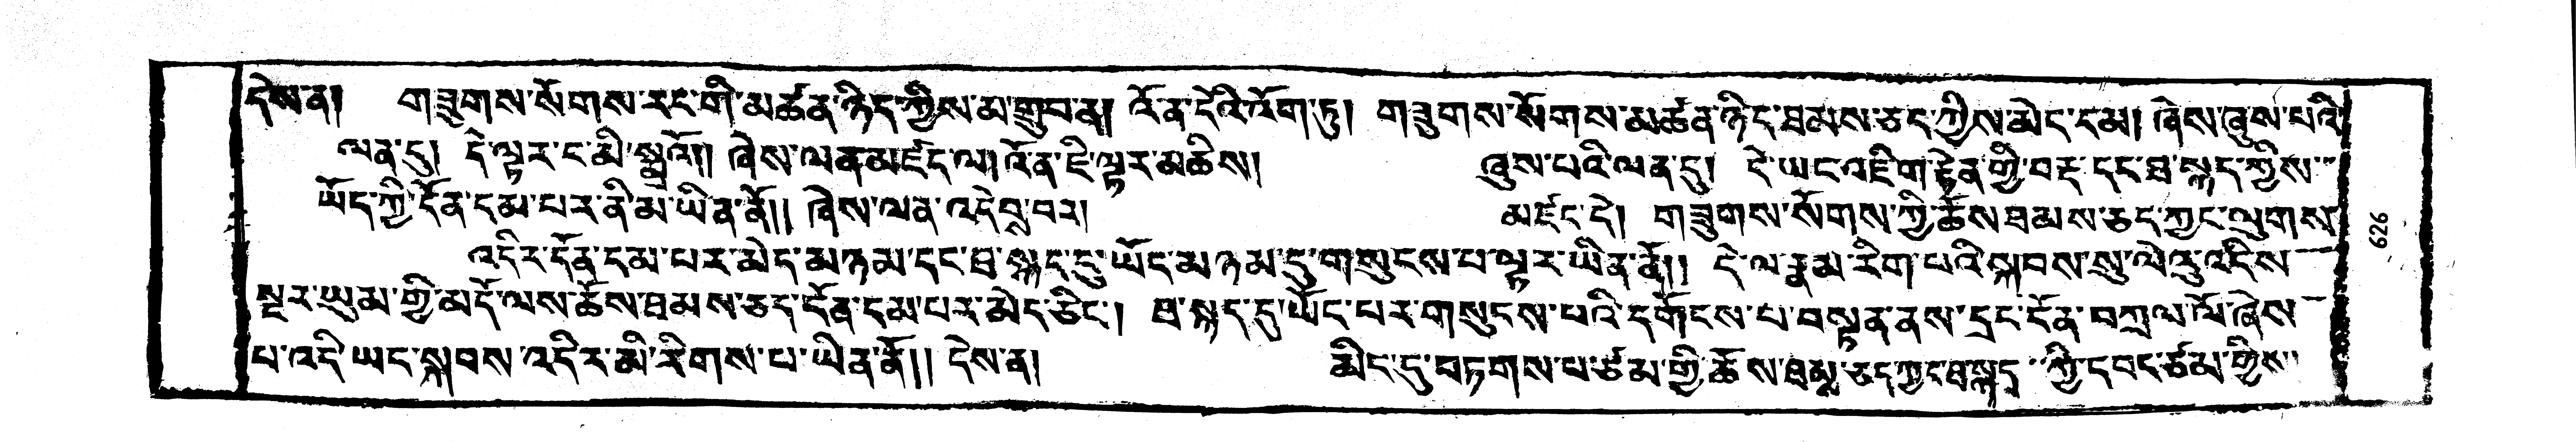དེས་ན། གཟུགས་སོགས་རང་གི་མཚན་ཉིད་ཀྱིས་མ་གྲུབ་ན། འོ་ན་དེའི་འོག་ཏུ། གཟུགས་སོགས་མཚན་ཉིད་ཐམས་ཅད་ཀྱིས་མེད་དམ། ཞེས་ཞུས་པའི་
ལན་དུ། དེ་ལྟར་ང་མི་སྨྲའོ། །ཞེས་ལན་མཛད་ལ། འོ་ན་ཇི་ལྟར་མཆིས། ཞུས་པའི་ལན་དུ། དེ་ཡང་འཇིག་རྟེན་གྱི་བརྡ་དང་ཐ་སྙད་ཀྱིས་
ཡོད་ཀྱི་དོན་དམ་པར་ནི་མ་ཡིན་ནོ། །ཞེས་ལན་འདེབས་པར། མཛད་དེ། གཟུགས་སོགས་ཀྱི་ཆོས་ཐམས་ཅད་ཀྱང་ལུགས་
འདིར་དོན་དམ་པར་མེད་མཉམ་དང་ཐ་སྙད་དུ་ཡོད་མཉམ་དུ་གསུངས་པ་ལྟར་ཡིན་ནོ། །དེ་ལ་རྣམ་རིག་པའི་སྐབས་སུ་ལེའུ་འདིས་
སྔར་ཡུམ་གྱི་མདོ་ལས་ཆོས་ཐམས་ཅད་དོན་དམ་པར་མེད་ཅིང་། ཐ་སྙད་དུ་ཡོད་པར་གསུངས་པའི་དགོངས་པ་བསྟན་ནས་དྲང་དོན་བཀྲལ་ལོ་ཞེས་
པ་འདི་ཡང་སྐབས་འདིར་མི་རིགས་པ་ཡིན་ནོ། །དེས་ན། མིང་དུ་བཏགས་པ་ཙམ་གྱི་ཆོས་ཐམས་ཅད་ཀྱང་ཐ་སྙད་ཀྱི་དབང་ཙམ་གྱིས།